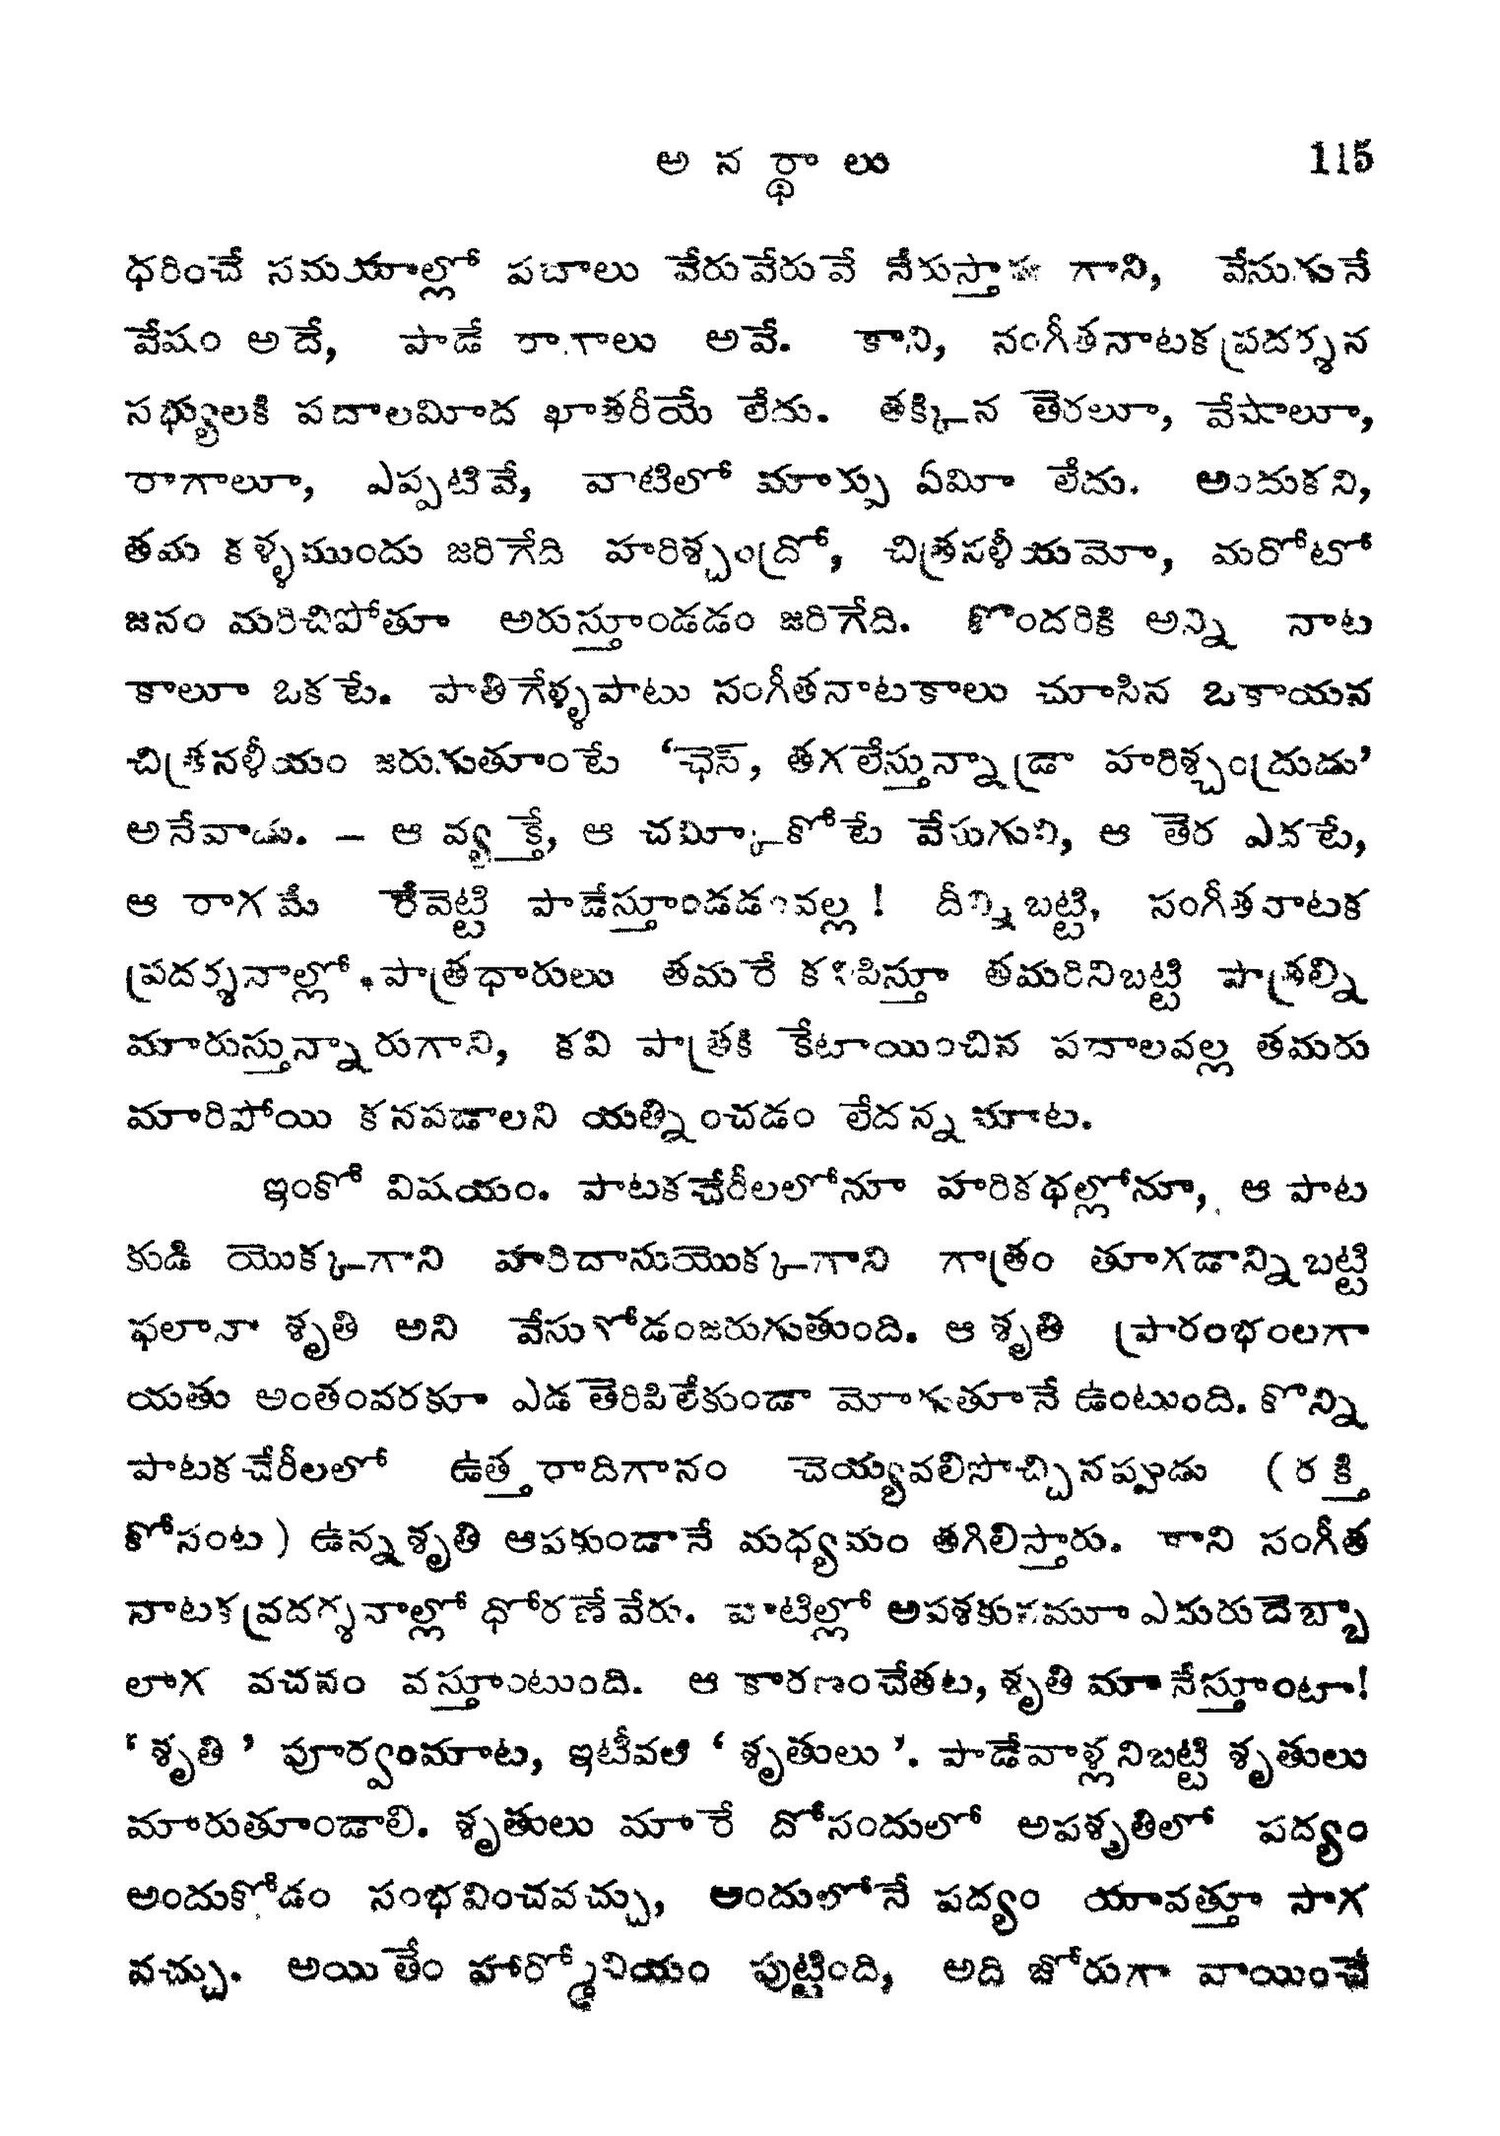ధరించే సమయాల్లో పదాలు వేరువేరువే నేరుస్తాడు గాని, వేసుగునే
వేషం అదే, పాడే రాగాలు అవే. కాని, సంగీతనాటక ప్రదర్శన
సభ్యులకి పదాలమీద ఖాతరీయే లేదు. తక్కిన తెరలూ, వేషాలూ,
రాగాలూ, ఎప్పటివే, వాటిలో మార్పు ఏమీ లేదు. అందుకని,
తమ కళ్ళముందు జరిగేది హరిశ్చంద్రో, చిత్రనళీయమో, మరోటో
జనం మరిచిపోతూ అరుస్తూండడం జరిగేది. కొందరికి అన్ని నాట
కాలూ ఒకటే. పాతిగేళ్ళపాటు సంగీతనాటకాలు చూసిన ఒకాయన
చిత్రనళీయం జరుగుతూంటే 'ఛెస్, తగలేస్తున్నాడ్రా హరిశ్చంద్రుడు'
అనేవాడు. - ఆ వ్య క్తే, ఆ చమ్కీకోటే వేసుగుని, ఆ తెర ఎదటే,
ఆ రాగమే రేవెట్టి పాడేస్తూండడంవల్ల! దీన్నిబట్టి, సంగీతనాటక
ప్రదర్శనాల్లో, పాత్రధారులు తమరే కనిపిస్తూ తమరినిబట్టి పాత్రల్ని
మారుస్తున్నారుగాని, కవి పాత్రకి కేటాయించిన పదాలవల్ల తమరు
మారిపోయి కనపడాలని యత్నించడం లేదన్న మాట.

ఇంకో విషయం. పాటకచేరీలలోనూ హరికథల్లోనూ, ఆ పాట
కుడి యొక్కగాని హరిదాసుయొక్కగాని గాత్రం తూగడాన్నిబట్టి
ఫలానా శృతి అని వేసుగోడంజరుగుతుంది. ఆ శృతి ప్రారంభంలగా
యతు అంతంవరకూ ఎడతెరిపిలేకుండా మోగుతూనే ఉంటుంది. కొన్ని
పాటకచేరీలలో ఉత్తరాదిగానం చెయ్యవలిసొచ్చినప్పుడు (రక్తి
కోసంట ) ఉన్నశృతి ఆపకుండానే మధ్యమం తగిలిస్తారు. కాని సంగీత
నాటకప్రదర్శనాల్లో ధోరణేవేరు. వాటిల్లో అపశకునమూ ఎదురుదెబ్బా
లాగ వచనం వస్తూంటుంది. ఆ కారణంచేతట, శృతి మానేస్తూంటా!
'శృతి ' పూర్వంమాట, ఇటీవల ' శృతులు ’. పాడేవాళ్లనిబట్టి శృతులు
మారుతూండాలి. శృతులు మారే దోసందులో అపశృతిలో పద్యం
అందుకోడం సంభవించవచ్చు, అందులోనే పద్యం యావత్తూ సాగ
వచ్చు. అయితేం హార్మోనియం పుట్టింది, అది జోరుగా వాయించే